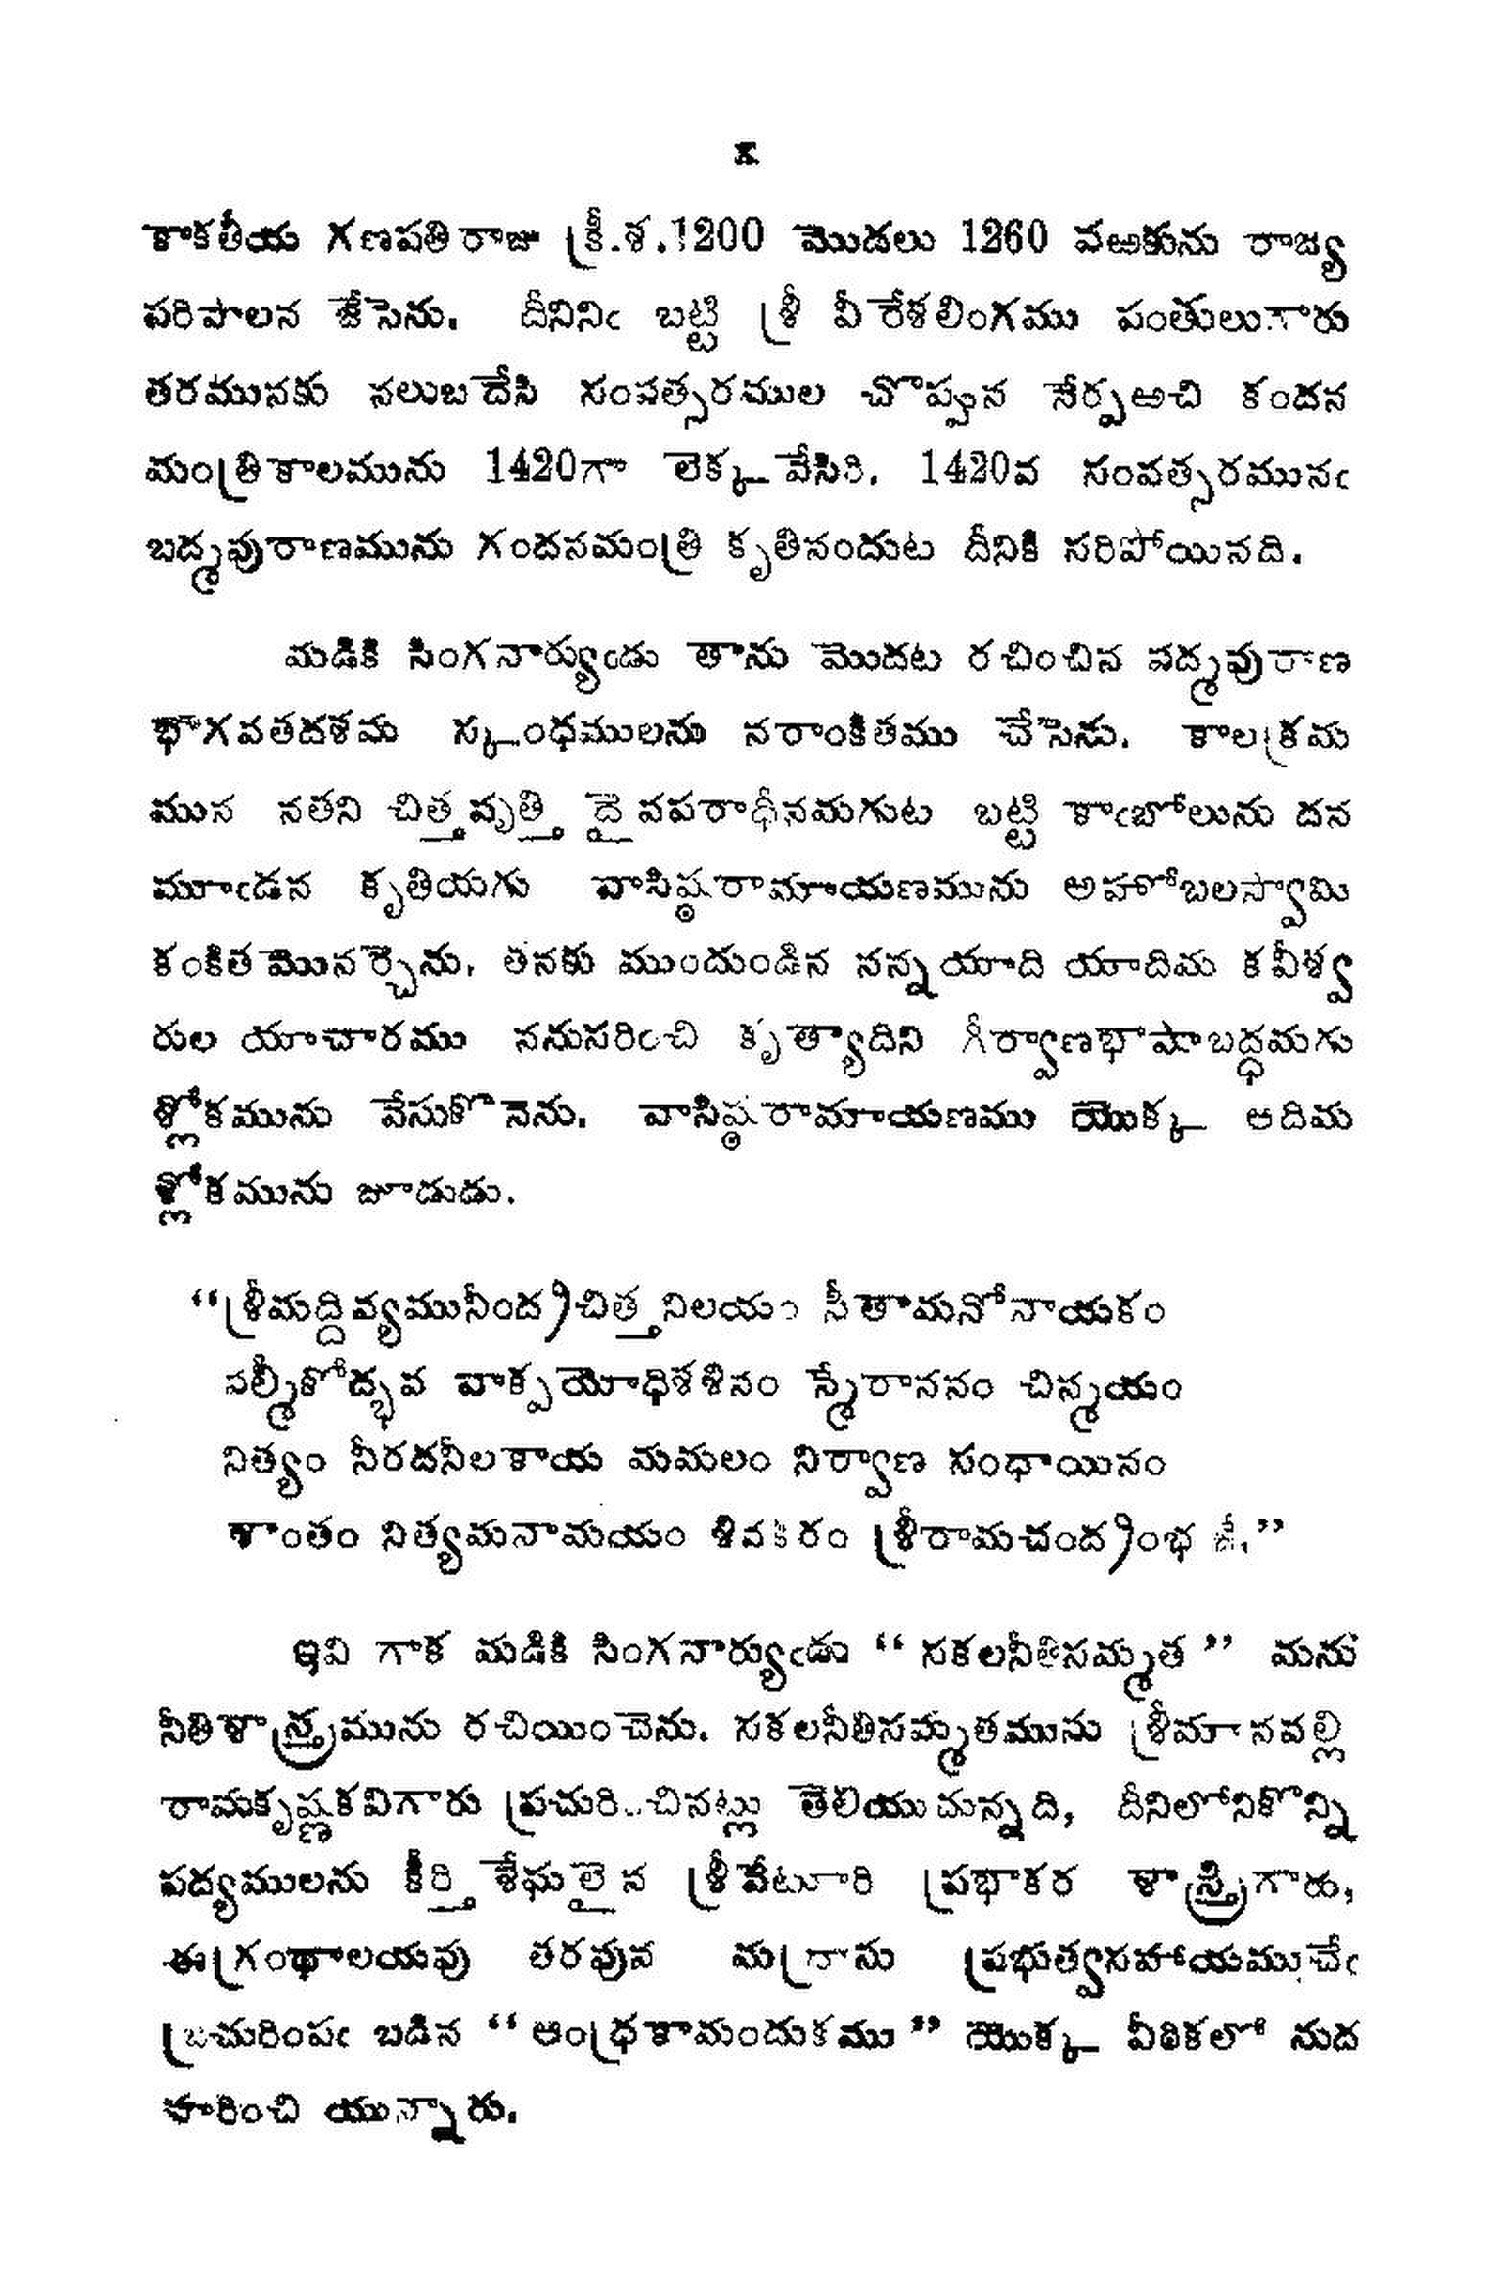కాకతీయ గణపతిరాజు క్రీ.శ. 1200 మొదలు 1260 వఱకును రాజ్యపరిపాలన చేసెను. దీనినిఁ బట్టి శ్రీ వీరేశలింగము పంతులుగారు తరమునకు నలుబదేసి సంవత్సరముల చొప్పున నేర్పఱచి కందన మంత్రికాలమును 1420 గా లెక్కవేసిరి. 1420వ సంవత్సరమునఁ బద్మపురాణమును గందనమంత్రి కృతినందుట దీనికి సరిపోయినది. 

మడికి సింగనార్యుఁడు తాను మొదట రచించిన పద్మపురాణ భాగవతదశమ స్కంధములను నరాంకితము చేసెను. కాలక్రమమున నతని చిత్తవృత్తి దైవపరాధీనమగుట బట్టి కాఁబోలును దన మూఁడవ కృతియగు వాసిష్ఠరామాయణమును అహోబలస్వామి కంకితమొనర్చెను. తనకు ముందుండిన నన్నయాది యాదిమ కవీశ్వరుల యాచారము ననుసరించి కృత్యాదిని గీర్వాణభాషాబద్ధమగు శ్లోకమును వేసుకొనెను. వాసిష్ఠరామాయణము యొక్క ఆదిమ శ్లోకమును చూడుడు. 

“శ్రీమద్దివ్యమునీంద్రచిత్తనిలయం సీతామనోనాయకం
 వల్మీకోద్భవ వాక్పయోధిశశినం స్మేరాననం చిన్మయం
 నిత్యం నీరదనీలకాయ మమలం నిర్వాణ సంధాయినం
 శాంతం నిత్యమనామయం శివకరం శ్రీరామచంద్రంభజే. ”

ఇవిగాక మడికి సింగనార్యుఁడు “సకలనీతిసమ్మత” మను నీతిశాస్త్రమును రచియించెను. సకలనీతిసమ్మతమును శ్రీమానవల్లి రామకృష్ణకవిగారు ప్రచురించినట్లు తెలియుచున్నది. దీనిలోని కొన్ని పద్యములను కీర్తిశేషులైన శ్రీ వేటూరి ప్రభాకర శాస్త్రిగారు, ఈ గ్రంధాలయము తరఫున మద్రాసు ప్రభుత్వసహాయముచేఁ బ్రచురింపఁబడిన “ఆంధ్రకామందుకము” యొక్క పీఠికలో నుదహరించి యున్నారు.